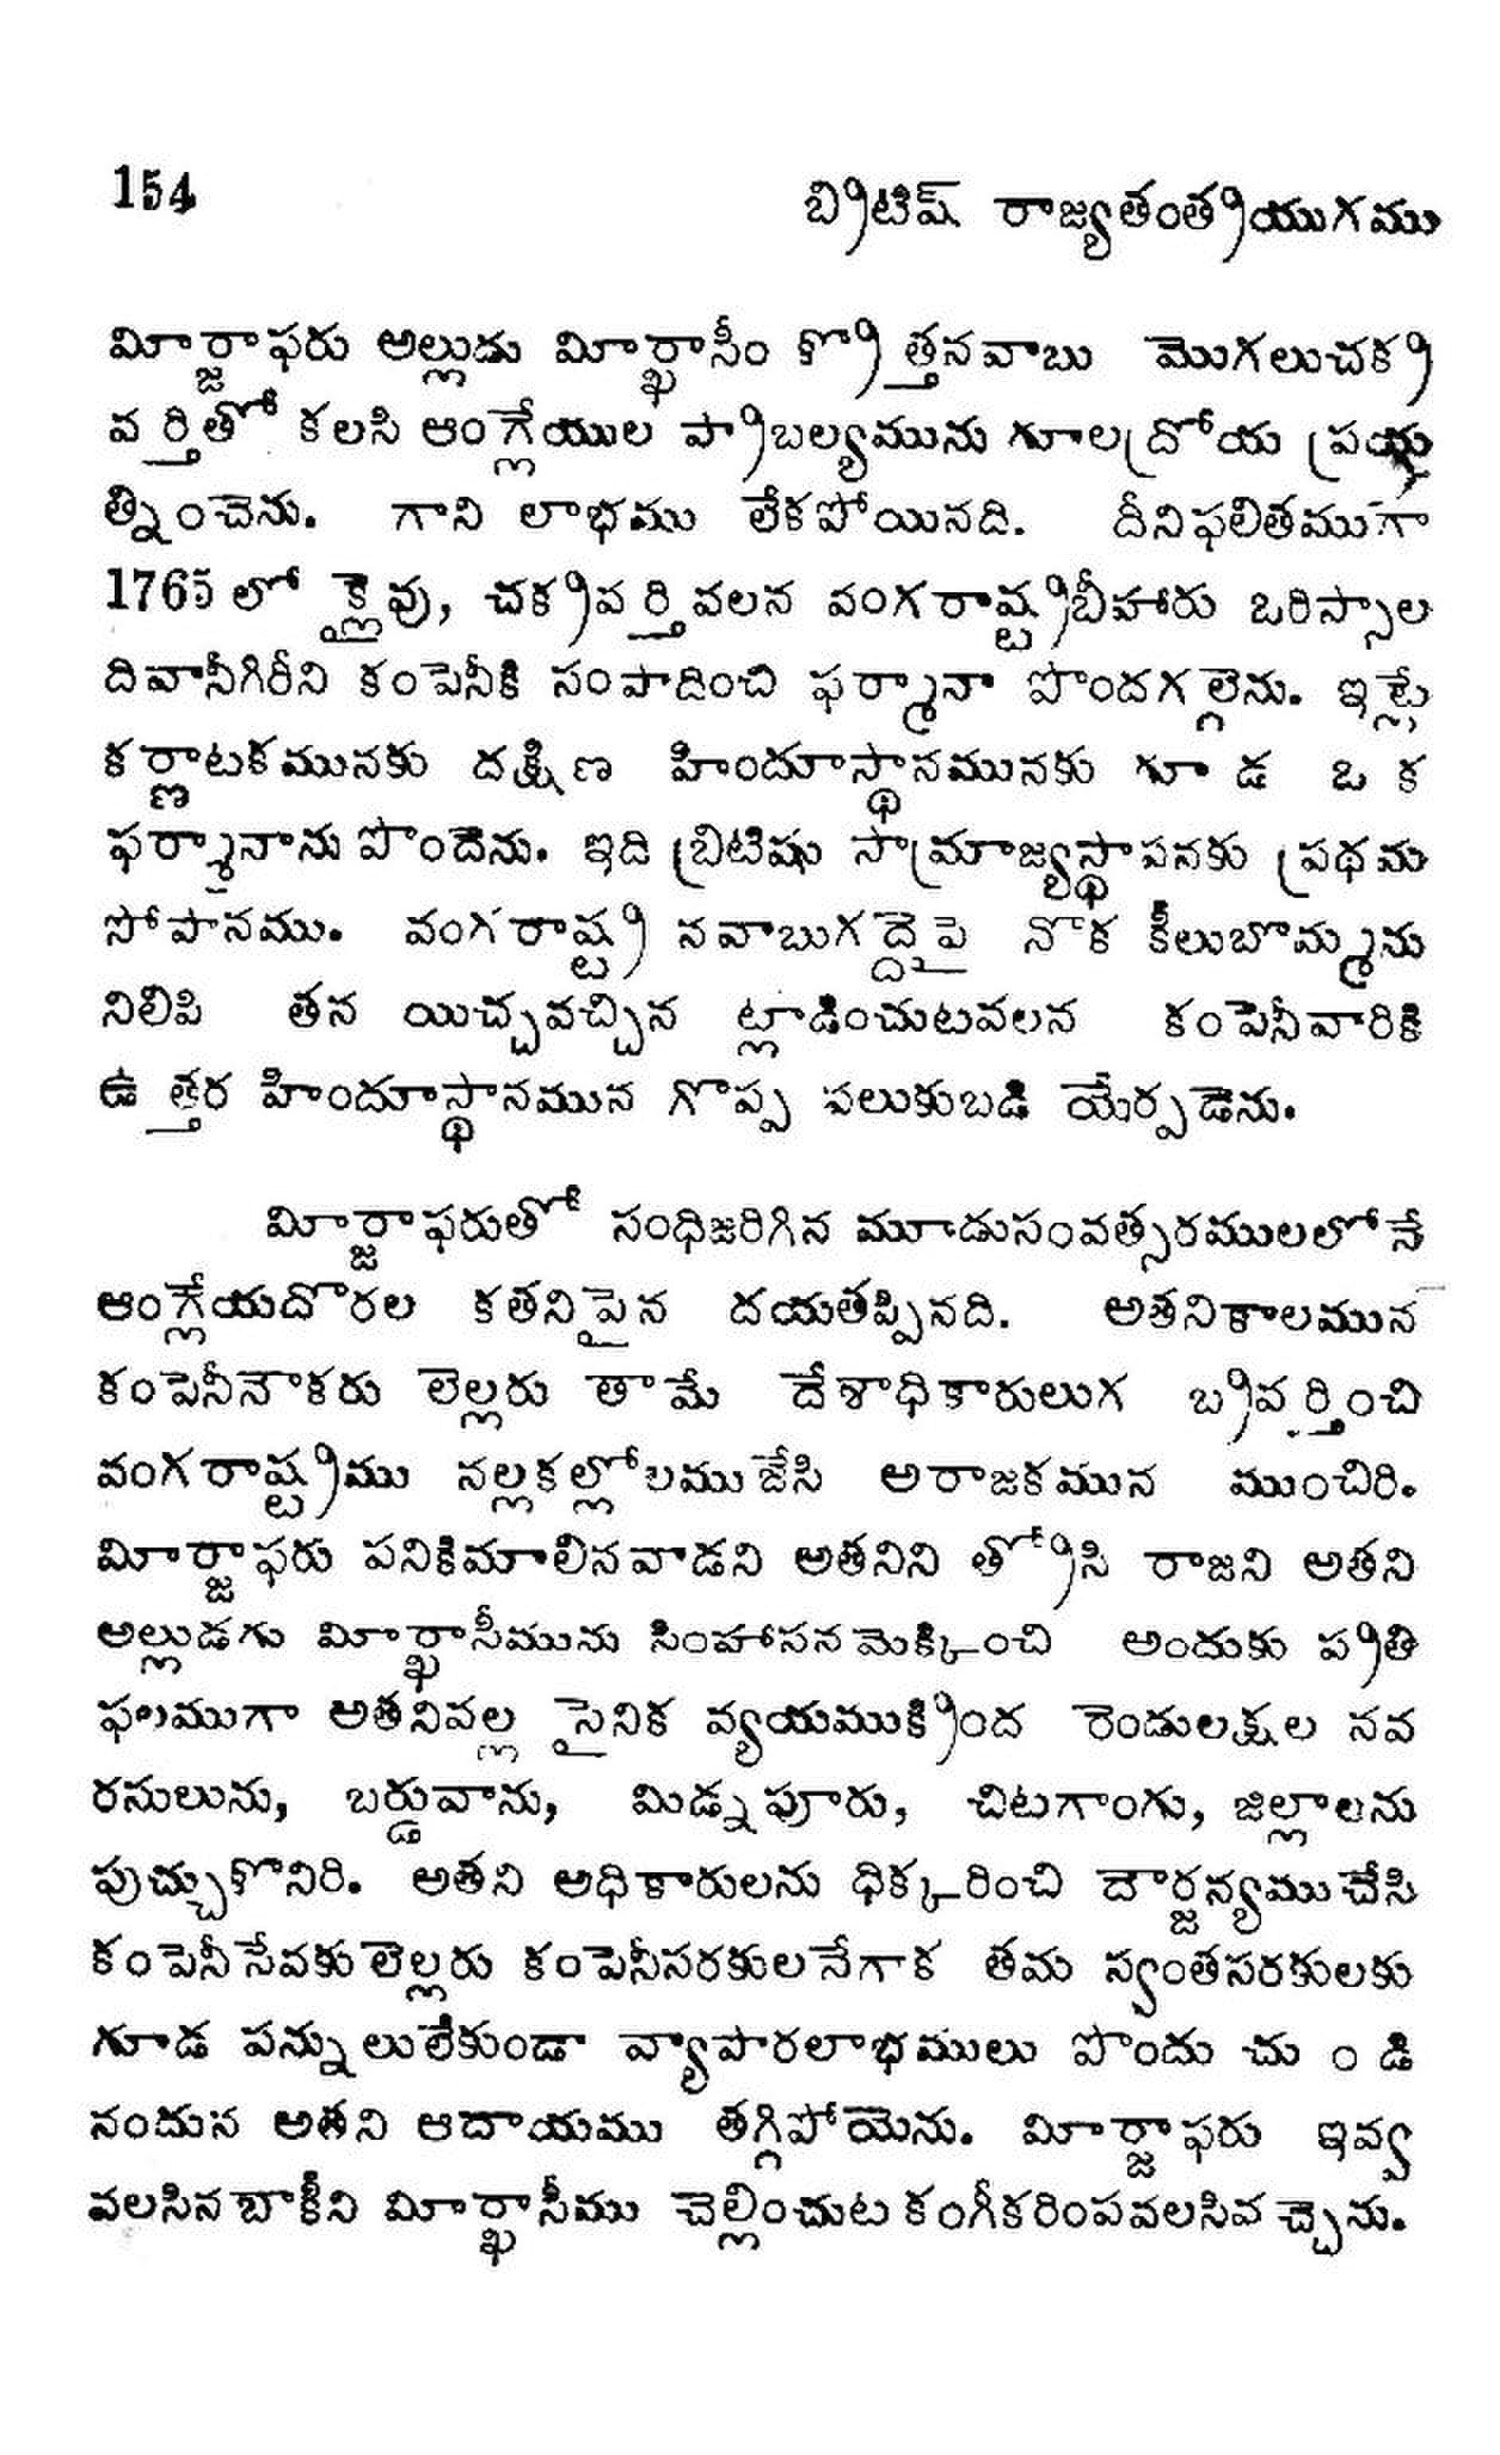మీర్జాఫరు అల్లుడు మీర్ఖాసీం క్రొత్తనవాబు మొగలుచక్రవర్తితో కలసి ఆంగ్లేయుల ప్రాబల్యమును గూలద్రోయ ప్రయత్నించెను. గాని లాభము లేకపోయినది. దీని ఫలితముగా 1765 లో క్లైవు, చక్రవర్తి వలన వంగరాష్ట్ర బీహారు ఒరిస్సాల దివానీగిరీని కంపెనీకి సంపాదించి ఫర్మానా పొందగల్గెను. ఇట్లే కర్ణాటకమునకు దక్షిణ హిందూస్థానమునకు గూడ ఒక ఫర్మానాను పొందెను. ఇది బ్రిటిషు సామ్రాజ్యస్థాపనకు ప్రథమ సోపానము. వంగరాష్ట్ర నవాబుగద్దెపై నొక కీలుబొమ్మను నిలిపి తన యిచ్చవచ్చిన ట్లాడించుటవలన కంపెనీవారికి ఉత్తర హిందూస్థానమున గొప్ప పలుకుబడి యేర్పడెను.

మీర్జాఫరుతో సంధిజరిగిన మూడుసంవత్సరములలోనే ఆంగ్లేయదొరల కతనిపైన దయతప్పినది. అతనికాలమున కంపెనీనౌకరు లెల్లరు తామే దేశాధికారులుగ బ్రవర్తించి వంగరాష్ట్రము నల్లకల్లోలముజేసి అరాజకమున ముంచిరి. మీర్జాఫరు పనికిమాలినవాడని అతనిని త్రోసి రాజని అతని అల్లుడగు మిర్ఖాసీమును సింహాసనమెక్కించి అందుకు ప్రతిఫలముగా అతనివల్ల సైనిక వ్యయముక్రింద రెండులక్షల నవరసులును, బర్డువాను, మిడ్నపూరు, చిటగాంగు,
జిల్లాలను పుచ్చుకొనిరి. అతని అధికారులను ధిక్కరించి దౌర్జన్యముచేసి కంపెనీసేవకులెల్లరు కంపెనీసరకులనేగాక తమ స్వంతసరకులకు గూడ పన్నులు లేకుండా వ్యాపారలాభములు పొందు చుండినందున అతని ఆదాయము తగ్గిపోయెను. మీర్జాఫరు ఇవ్వ వలసిన బాకీని మీర్ఖాసీము చెల్లించుట కంగీకరింపవలసివచ్చెను.